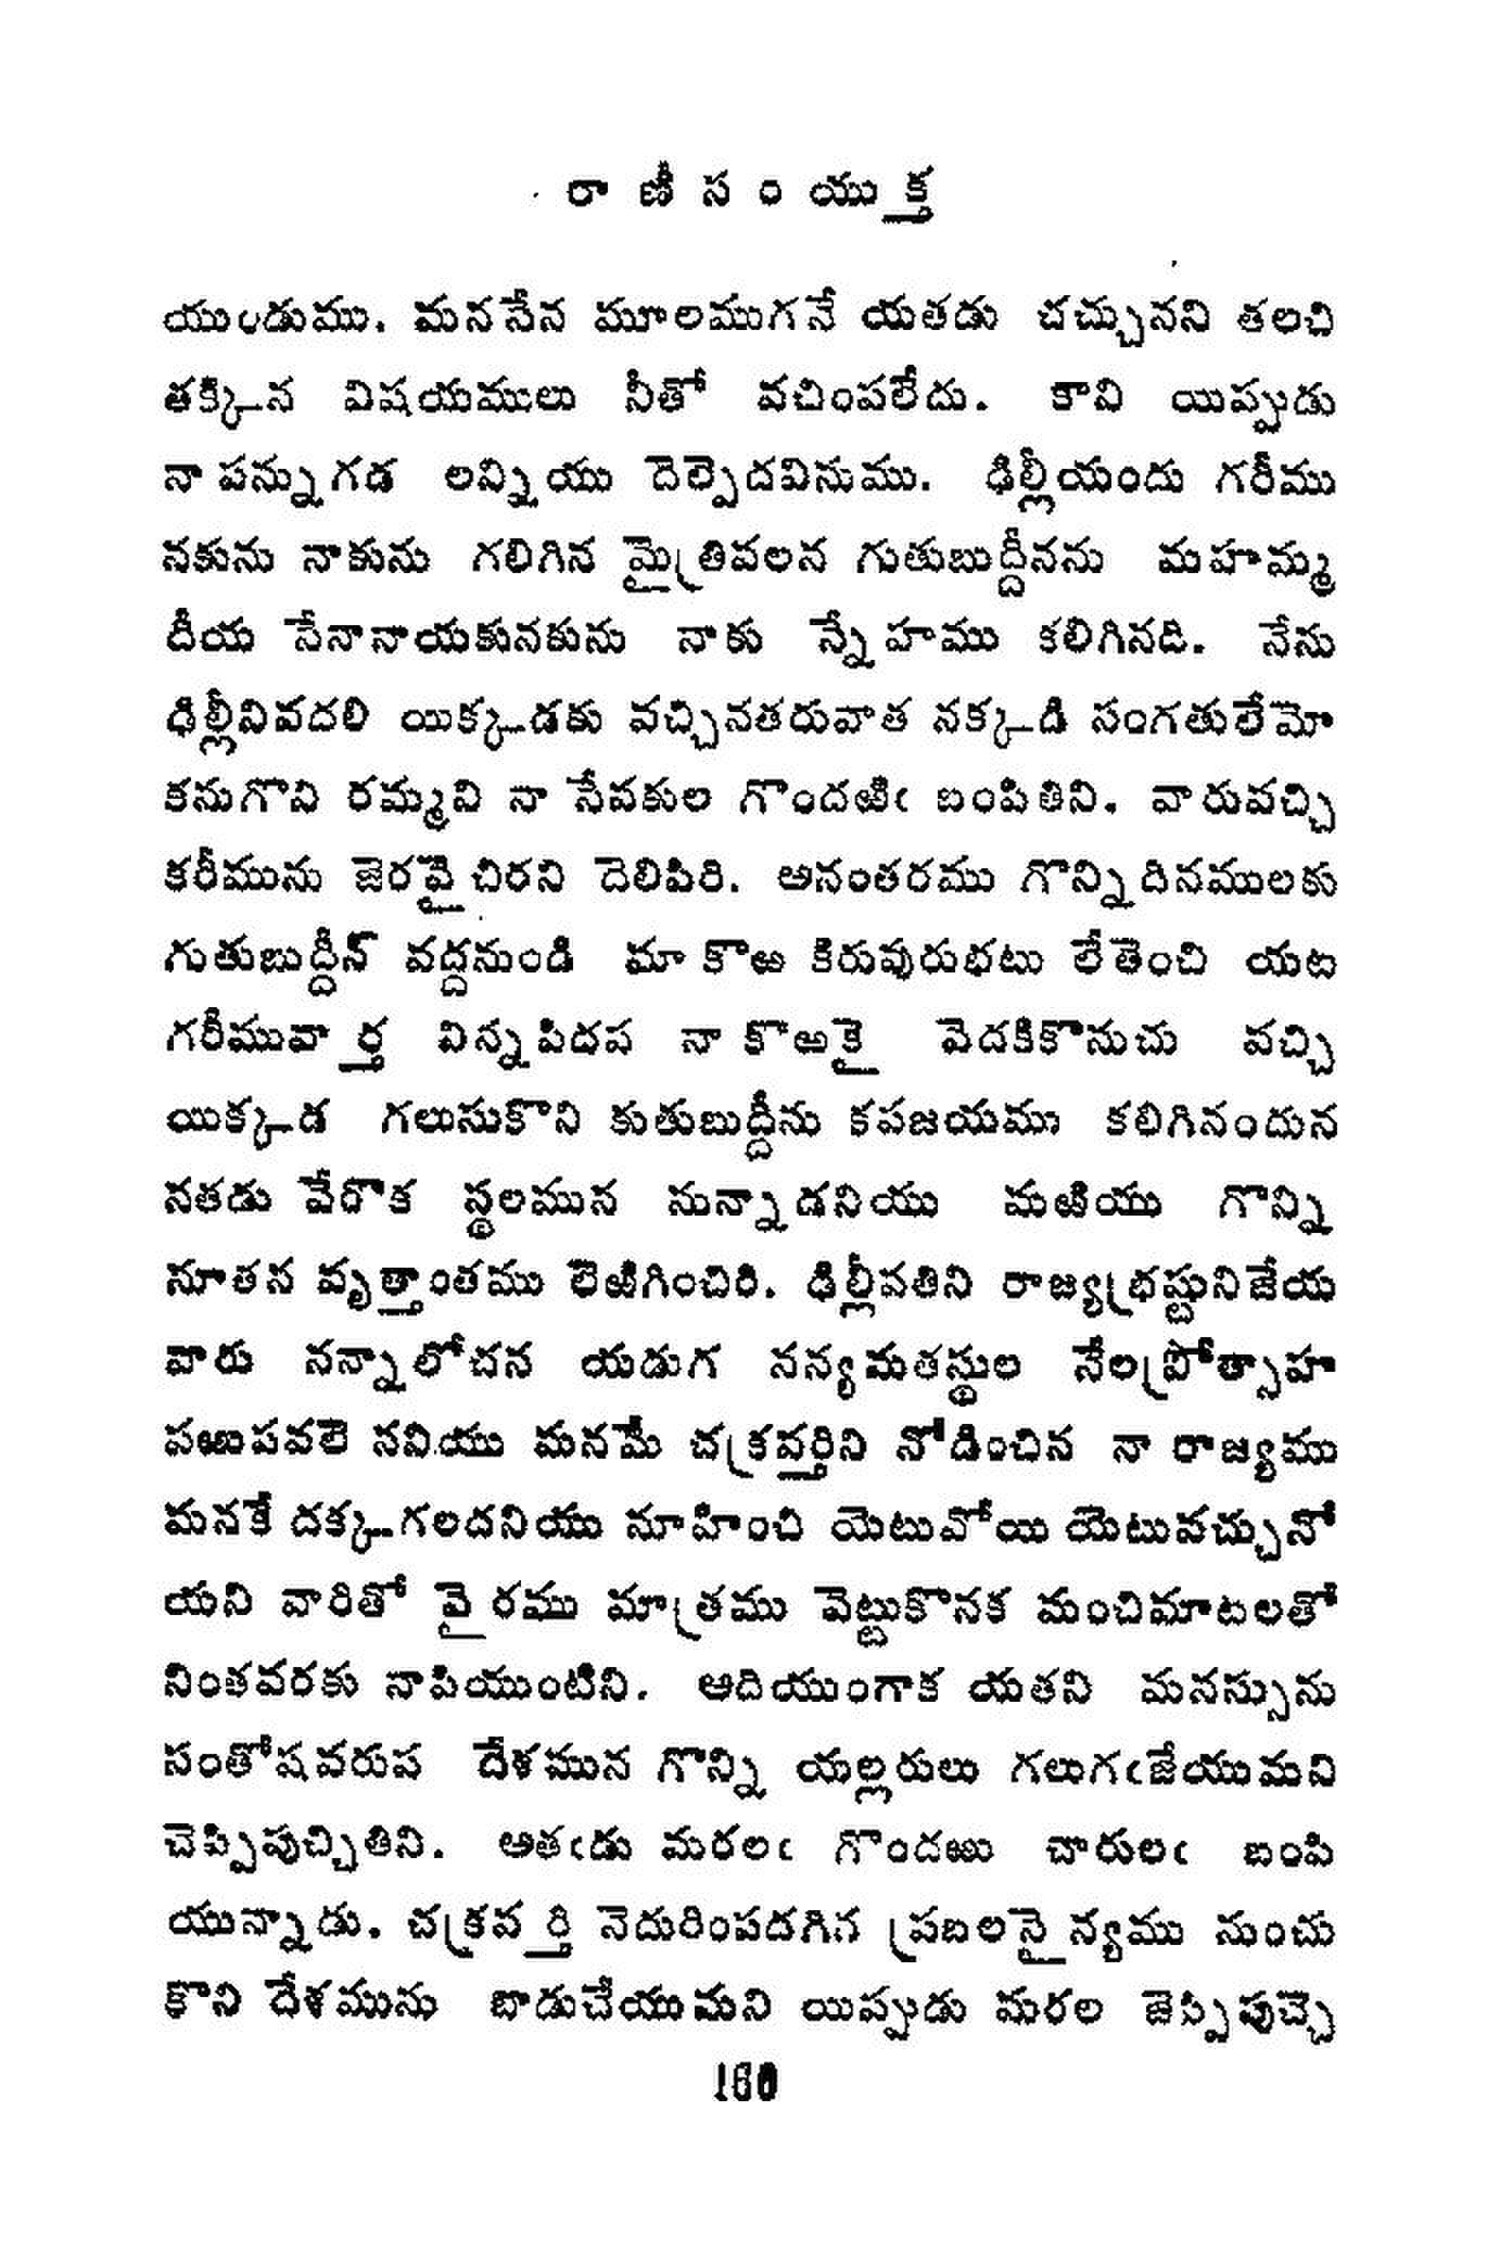యుండుము. మనసేన మూలముగనే యతడు చచ్చునని తలచి తక్కిన విషయములు నీతో వచింపలేదు. కాని యిప్పుడు నా పన్నుగడ లన్నియు దెల్పెదవినుము. ఢిల్లీయందు గరీమునకును నాకును గలిగిన మైత్రివలన గుతుబుద్దీనను మహమ్మదీయ సేనానాయకునకును నాకు న్నేహము కలిగినది. నేను ఢిల్లీనివదలి యిక్కడకు వచ్చినతరువాత నక్కడి సంగతులేమో కనుగొని రమ్మని నా సేవకుల గొందఱిఁ బంపితిని. వారువచ్చి కరీమును జెరవైచిరని దెలిపిరి. అనంతరము గొన్నిదినములకు గుతుబుద్దీన్ వద్దనుండి మా కొఱ కిరువురుభటు లేతెంచి యట గరీమువార్త విన్నపిదప నా కొఱకై వెదకికొనుచు వచ్చి యిక్కడ గలుసుకొని కుతుబుద్దీను కపజయము కలిగినందున నతడు వేరొక స్థలమున నున్నాడనియు మఱియు గొన్ని నూతన వృత్తాంతము లెఱగించిరి. ఢిల్లీపతిని రాజ్యభ్రష్టునిజేయ వారు నన్నాలోచన యడుగ నన్యమతస్థుల నేలప్రోత్సాహ పఱుపవలె ననియు మనమే చక్రవర్తిని నోడించిన నా రాజ్యము మనకే దక్క,గలదనియు నూహించి యెటువోయి యెటువచ్చునో యని వారితో వైరము మాత్రము పెట్టుకొనక మంచిమాటలతో నింతవరకు నాపియుంటిని. ఆదియుంగాక యతని మనస్సును సంతోషవరుప దేశమున గొన్ని యల్లరులు గలుగఁజేయుమని చెప్పిపుచ్చితిని. అతఁడు మరలఁ గొందఱు చారులఁ బంపి యున్నాడు. చక్రవర్తి నెదురింపదగిన ప్రబలసైన్యము నుంచుకొని దేశమును బాడుచేయుమని యిప్పుడు మరల జెప్పిపుచ్చె